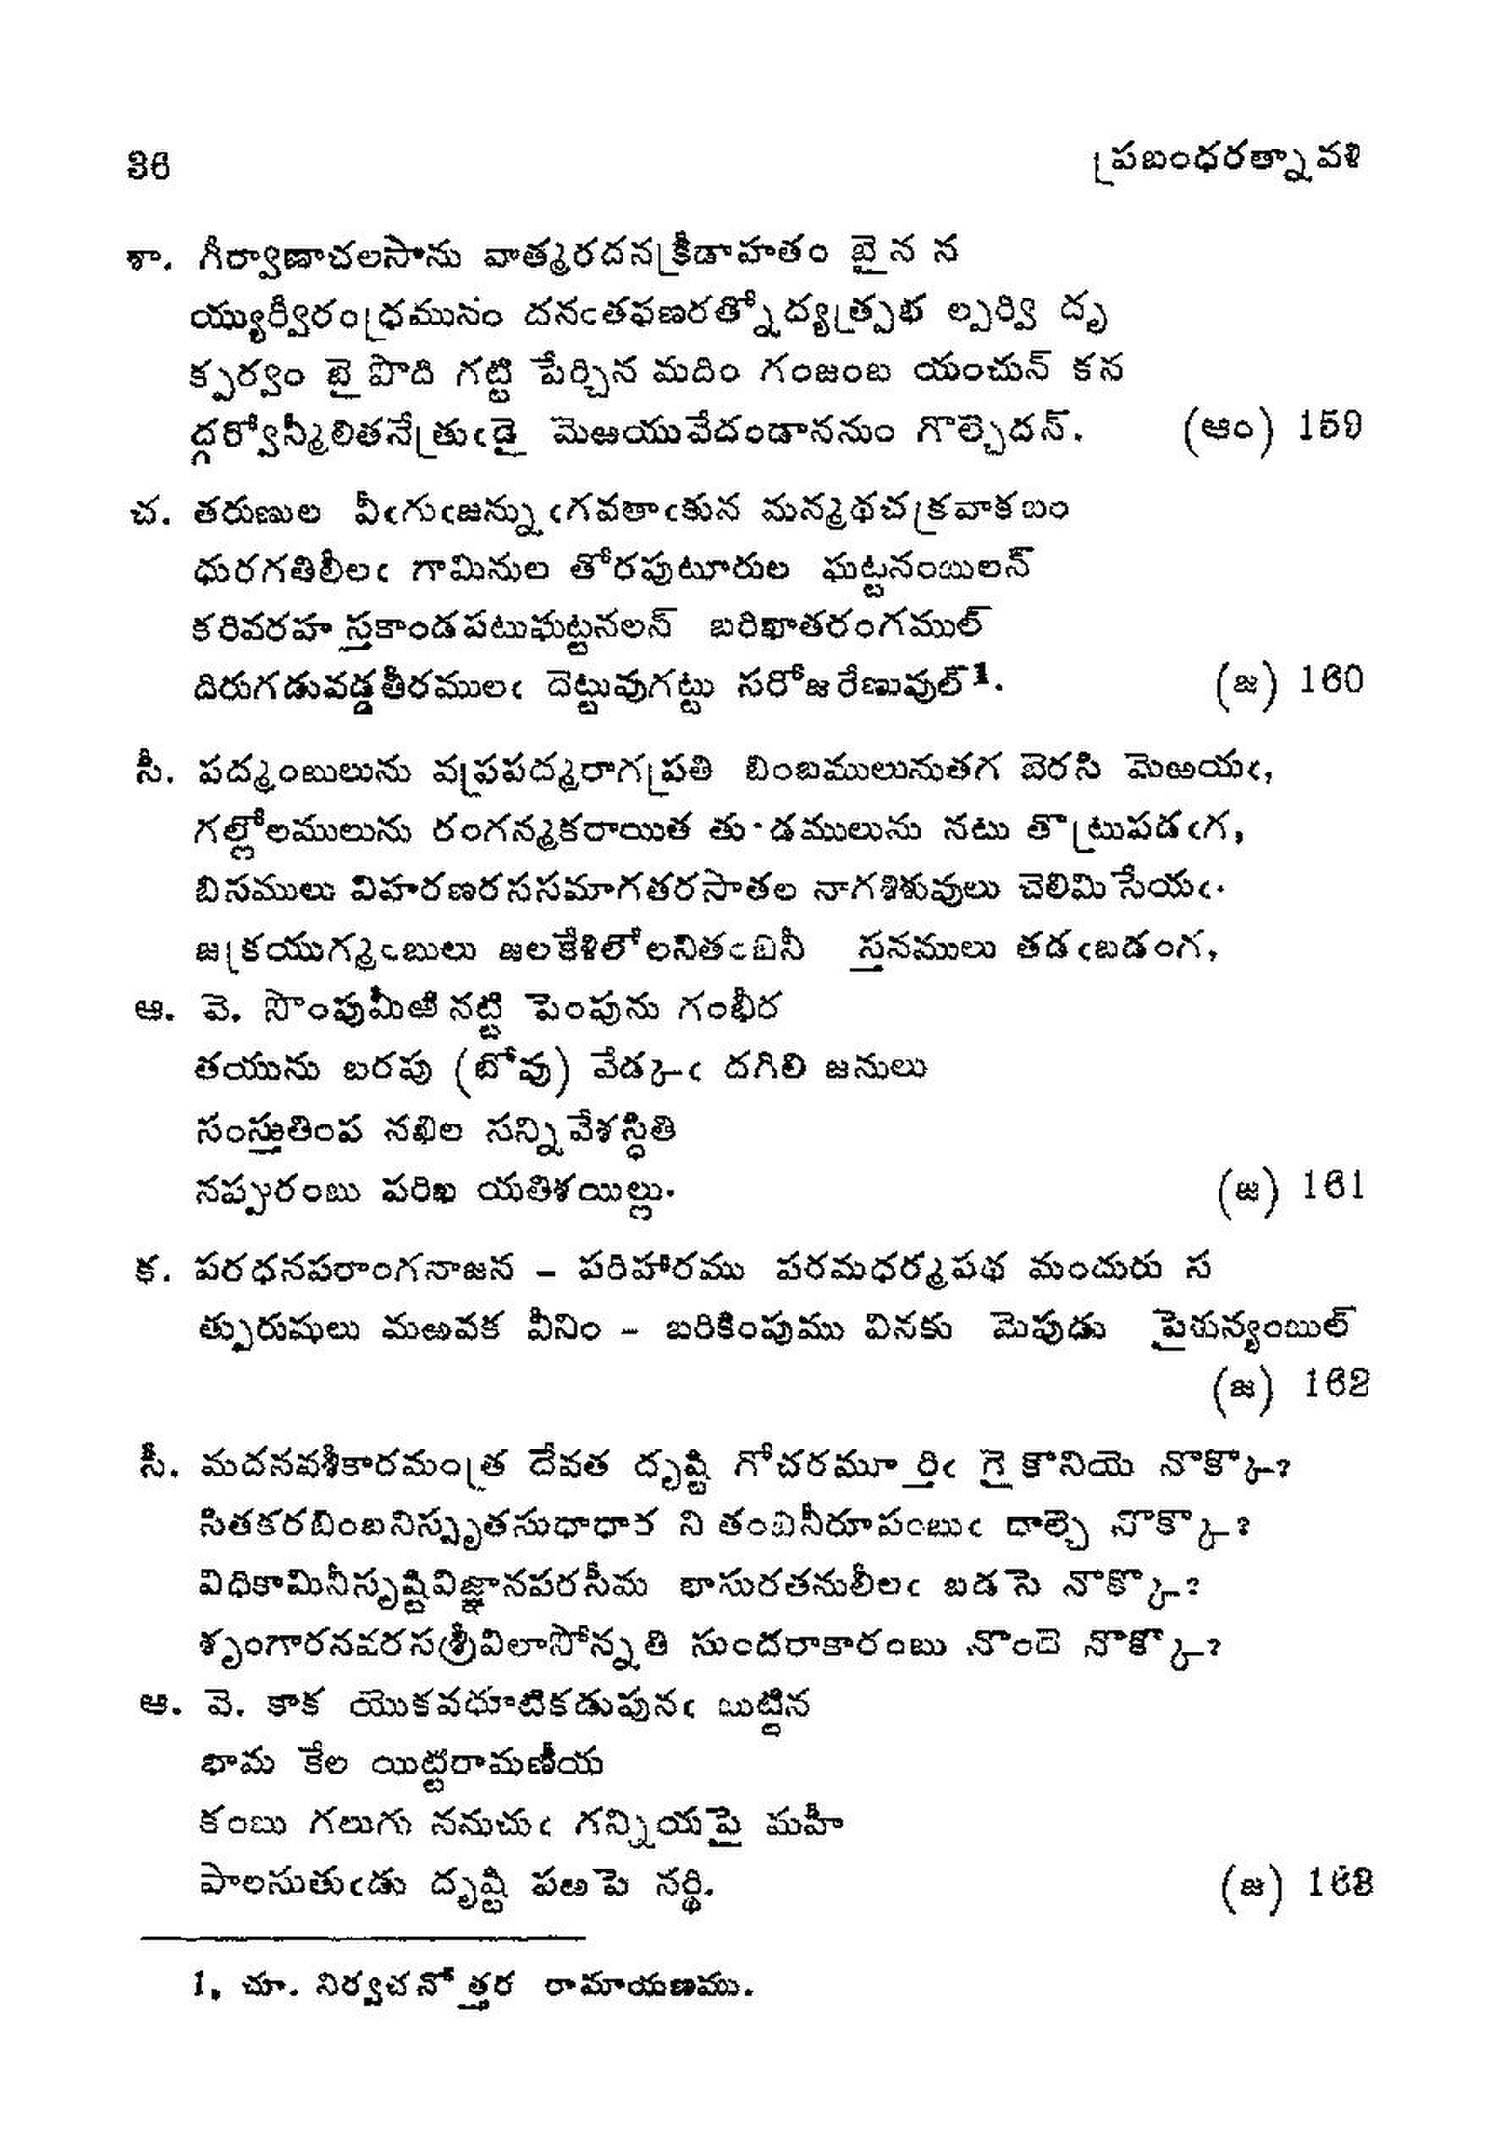శా. గీర్వాణాచలసాను వాత్మరదనక్రీడాహతంబైన న
య్యుర్వీరంధ్రమునం దనంతఫణరత్నోద్యత్ప్రభ ల్పర్వి దృ
క్పర్వంబై పొదిఁగట్టి పేర్చిన మదిం గంజంబ యంచున్ కన
ద్గర్వోన్మీలితనేత్రుఁడై మెఱయు వేదండాననుం గొల్చెదన్. (ఆం) 159

చ. తరుణుల వీగుఁ జన్నుఁగవ తాఁకున మన్మథచక్రవాక బం
ధురగతి లీలఁ గామినుల తోరపుటూరుల ఘట్టనంబులన్
కరివరహస్తకాండపటుఘట్టనలన్ బరిఖాతరంగముల్
దిరుగుడు వడ్డ తీరముల దెట్టువు గట్టు సరోజరేణువుల్. (జ) 160

సీ. పద్మంబులును వప్రపద్మరాగ ప్రతి బింబములును తగ బెరసి మెఱయఁ
గల్లోలములును రంగన్మకరాయిత తుండములను నటు తొట్రు పడఁగ
బిసములు విహరణరససమాగత రసా తల నాగశిశువులు చెలిమి సేయఁ
జక్రయుగ్మంబులు జలకేళిలోల ని తంబినీస్తనములు తఁడబడంగ
ఆ. సొంపు మీఱినట్టి పెంపును గంభీర
తయును బరపు [బోవు] వేడ్క దగిలి జనులు
సంస్తుతింప నఖిలసన్నివేశస్థితి
నప్పురంబు పరిఖ యతిశయిల్లు. (జ) 161

క. పరధన పరాంగనాజన
పరిహారము పరమధర్మపథ మందురు స
త్పురుషులు మఱవక వీనిం
బరికింపుము వినకు మెపుడు పైశున్యంబుల్. (జ) 162

సీ. మదనవశీకారమంత్ర దేవత దృష్టి గోచరమూర్తిఁ గైకొనియె నొక్కొ?
సితకరబింబ నిస్సృతసుధాధార ని తంబినీరూపంబుఁ దాల్చె నొక్కొ?
విధికామినీ సృష్టివిజ్ఞాన పరసీమ భాసురతనులీలఁ బడసె నొక్కొ?
శృంగారనవరస శ్రీవిలాసోన్నతి సుందరాకారంబు నొందె నొక్కొ?
ఆ. కాక యొక వధూటి కడుపునఁ బుట్టిన
భామ కేల యిట్టి రామణీయ
కంబు గలుగు ననుచుఁ గన్నియపై మహీ
పాలసుతుఁడు దృష్టి పఱపె నర్థి. (జ) 163